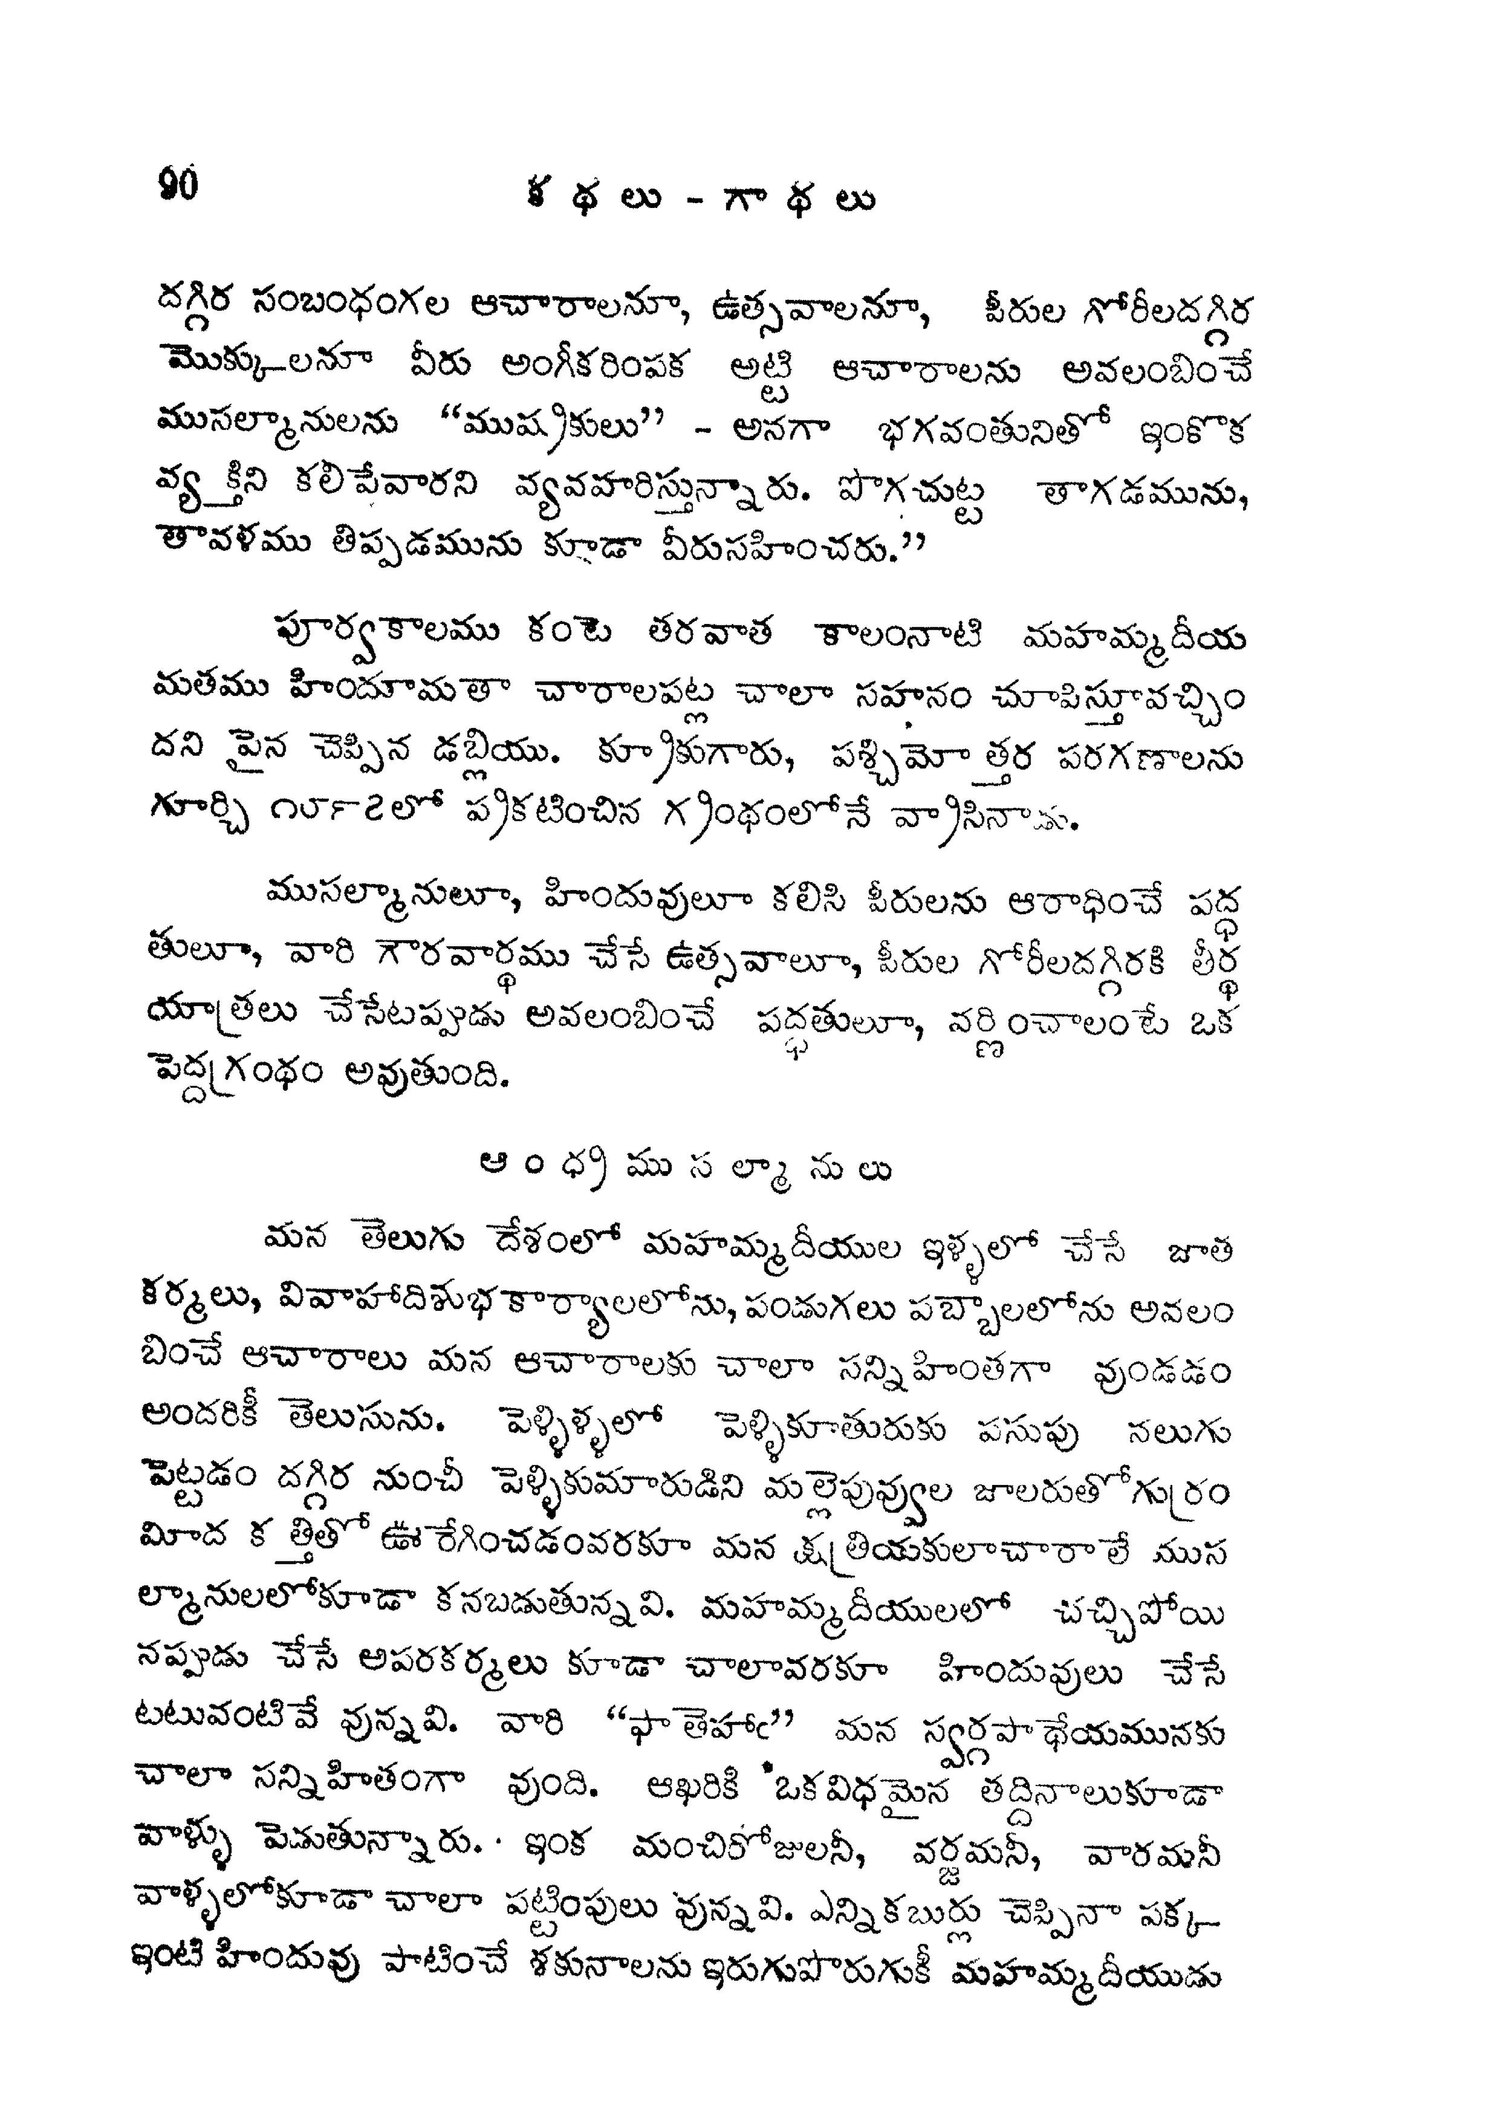దగ్గర సంబంధంగల ఆచారాలనూ, ఉత్సవాలనూ, వీరుల గోరీలదగ్గిర మొక్కులనూ వీరు అంగీకరింపక అట్టి ఆచారాలను అవలంబించే ముసల్మానులను "ముష్రకులు" - అనగా భగవంతునితో ఇంకొక వ్యక్తిని కలిపేవారని వ్యవహరిస్తున్నారు. పొగచుట్ట తాగడమును, తావళము తిప్పడమును కూడా వీరుసహించరు."

పూర్వకాలం కంటె తరవాత కాలంనాటి మహమ్మదీయమతము హిందూమతా చారాలపట్ల చాలా సహనం చూపిస్తూవచ్చిందని పైన చెప్పిన డబ్లియు. క్రూకు గారు, పశ్చిమోత్తర పరగణాలను గూర్చి 1897 లో ప్రకటించిన గ్రంధంలోనే వ్రాసినారు.

ముసల్మానులూ, హిందువులూ కలిసి వీరులను ఆరాధించే పద్దతులూ, వారి గౌరవార్థము చేసే ఉత్సవాలూ, పీరుల గోరీలదగ్గిరకి తీర్ధయాత్రలు చేసేటప్పుడు అవలంబించే పద్ధతులూ, వర్ణించాలంటే ఒక పెద్దగ్రంధం అవుతుంది.

మన తెలుగు దేశంలో మహమ్మదీయుల ఇళ్ళలో చెసే జాతికర్మలు, వివాహాదిశుభకార్యాలలోను, పండుగలు పబ్బాలలోను అవలంబించే ఆచారాలు మన ఆచారాలకు చాలా సన్నిహితంగా వుండడం అందరికీ తెలుసును. పెళ్ళిళ్ళలో పెళ్ళికూతురుకు పసుపు నలుగు పెట్టడం దగ్గిర నుంచీ పెళ్ళికుమారుడిని మల్లెపువ్వుల జాలరుతొ గుర్రం మీద కత్తితో ఊరేగించడం వరకూ మన క్షత్రియకులాచారాలే ముసల్మానులలోకూడా కనబడుతున్నది. మహమ్మదీయులలో చచ్చిపోయినప్పుడు చేసే అపకర్మలు కూడా చాలావరకూ హిందువులు చేసే టటువంటివే వున్నవి. వారి "ఫాతెహాఁ" మన స్వర్గపాధేయమునకు చాలా సన్నిహితంగా వుంది. ఆఖరికి ఒకవిధమైన తద్దినాలుకూడా వాళ్ళు పెడుతున్నారు. ఇంక మంచిరోజు లనీ, వర్జమనీ, వారమనీ వాళ్ళలోకూడా చాలా పట్టింపులు వున్నవి. ఎన్నికబుర్లు చెప్పినా పక్క ఇంటి హిందువు పాటించే శకునాలను ఇరుగుపొరుగుకీ మహమ్మదీయుడు